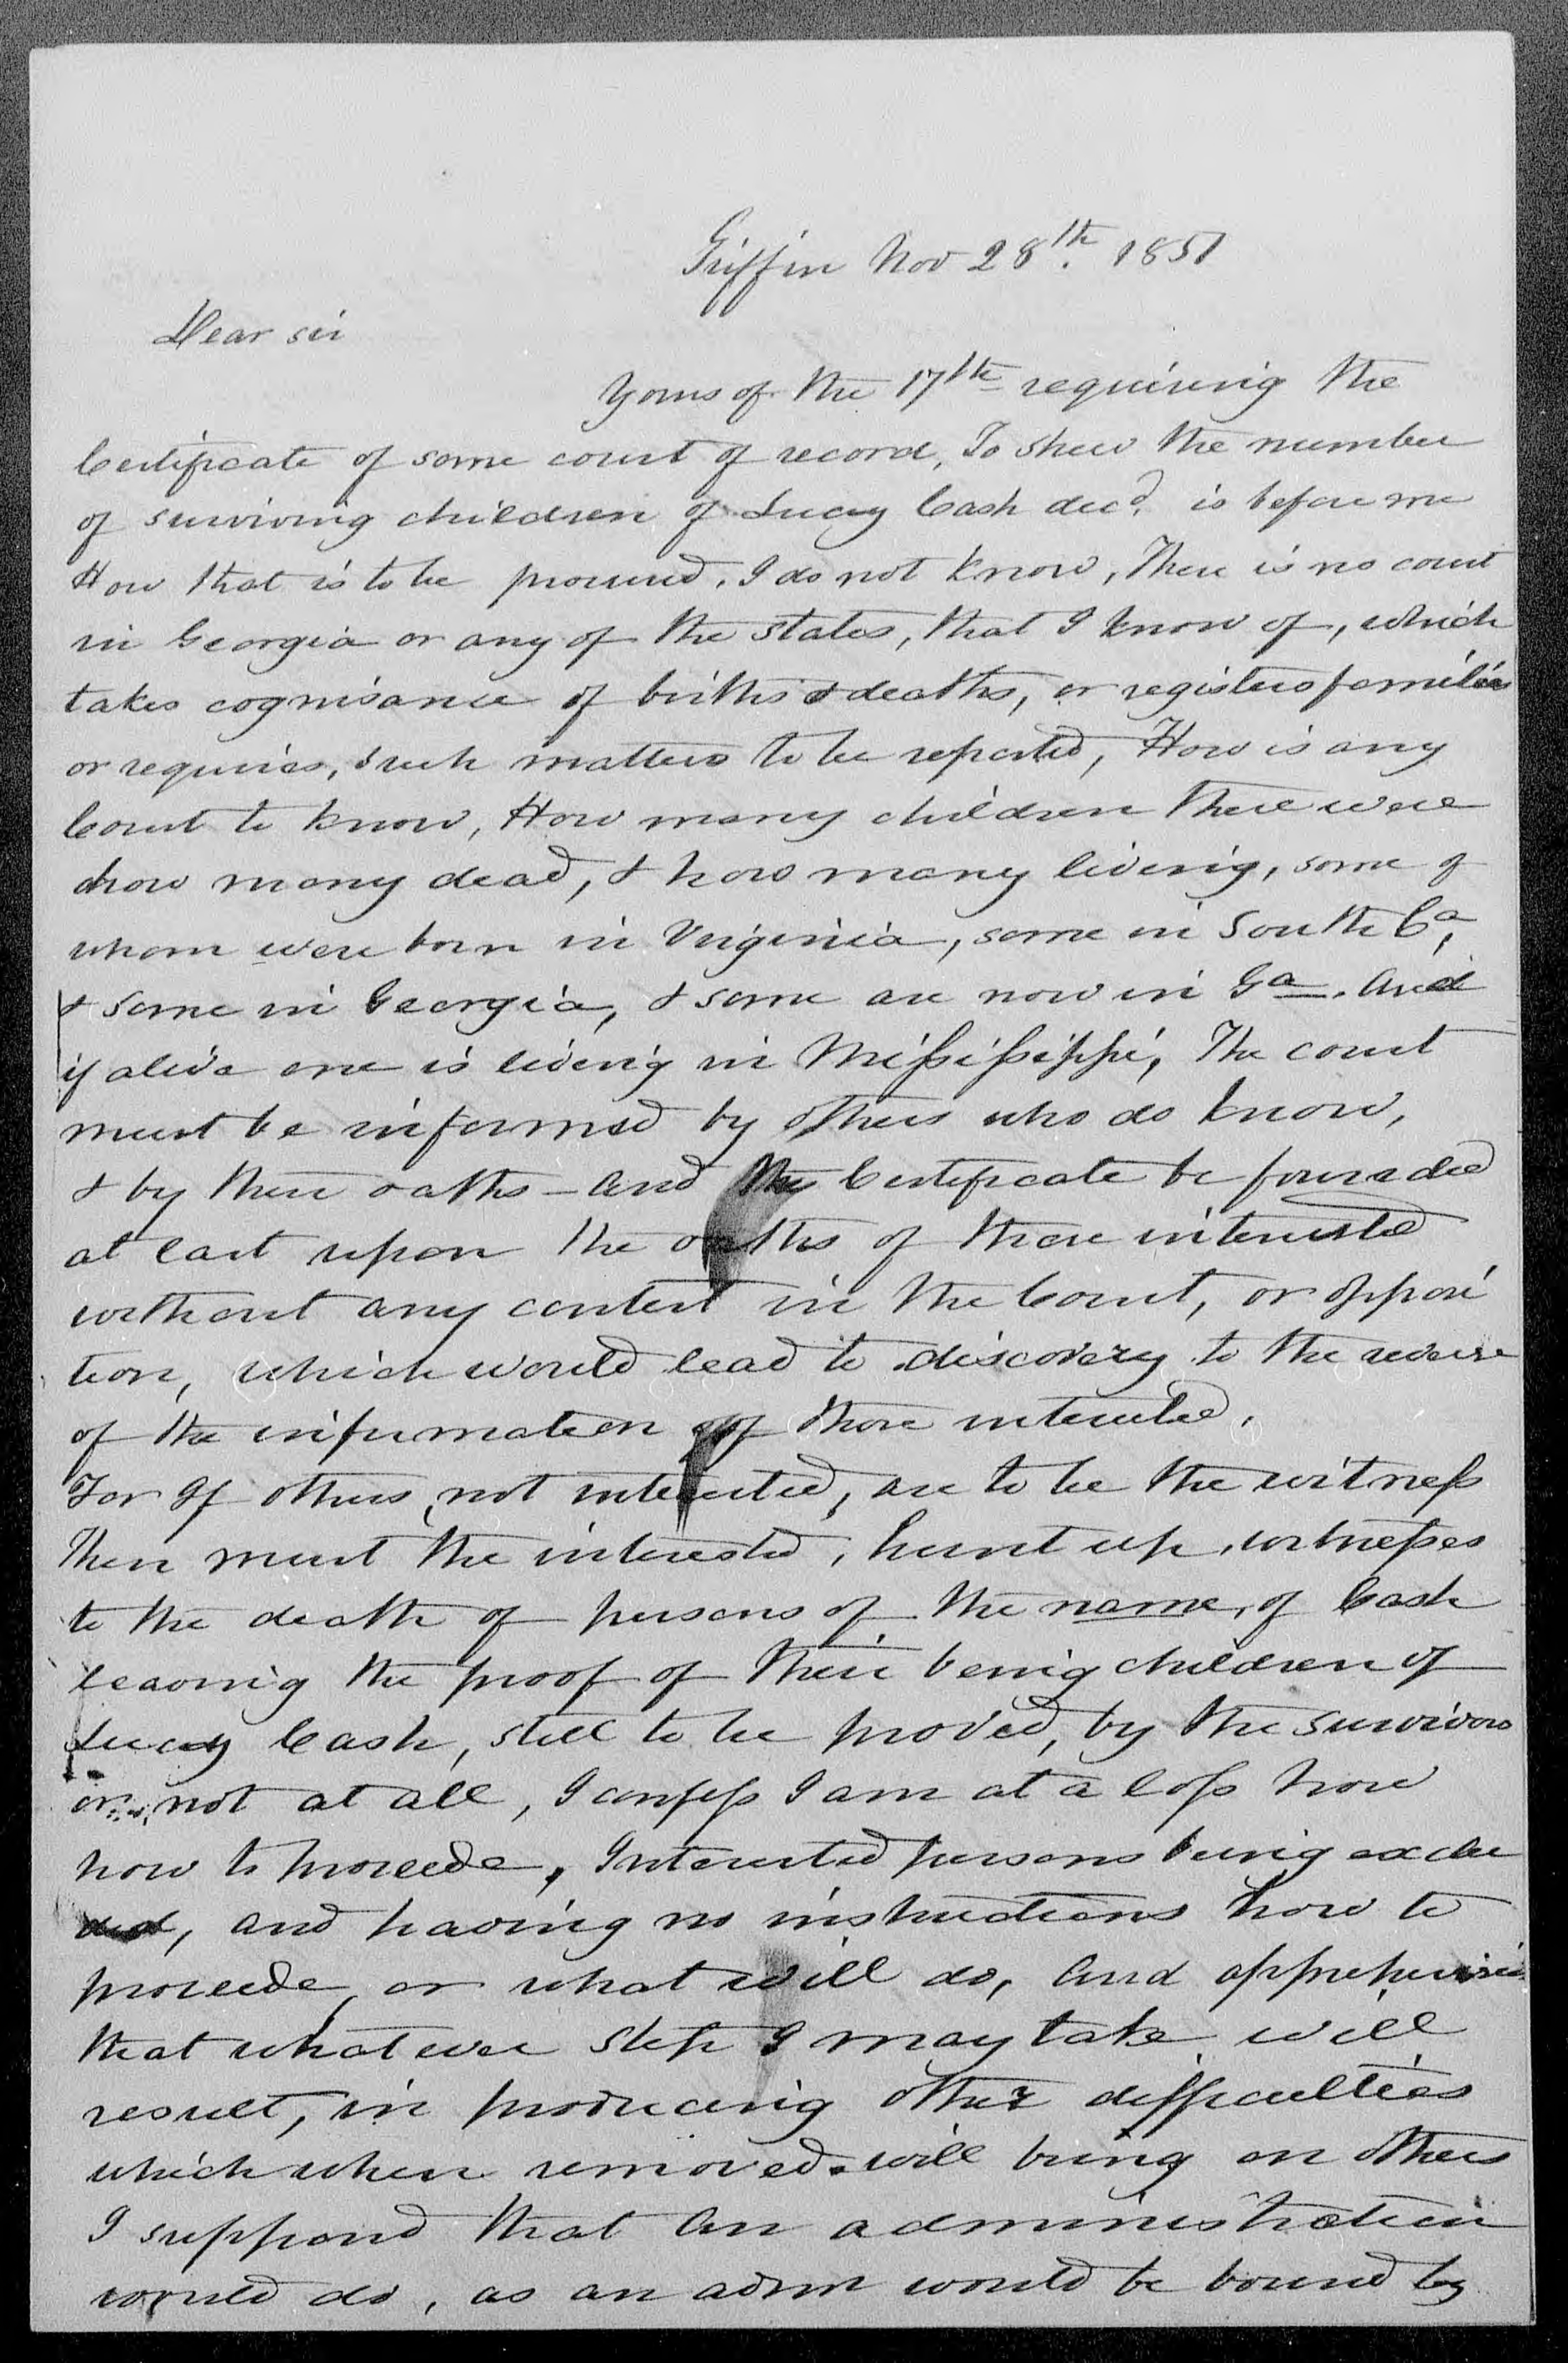F
Griffin Nov 28th 1857

Dear sir

Yours of the 17th requiring the
Certificate of same Court of record, to shew the number of surviving children of Lucy Cash decd is before me. How that is to be procured. I do not know, there is no court in Georgia or any of the states, that I know of, which takes cognizance of births & death, or registers families
or requires, such matters to be reported, how is any Court to know, how many children there were how many dead, & how many living, some of whom were born in Virginia, some in South Carolina,
some in Georgia, & some are now in GA and if alive one is living in Mississippi. The Court must be informed by others who do know, & by their oaths, and the certificate be founded at last upon the oaths of these interested without any contest in the Court, or opposition, which would lead to discovery to the reverse of the information of those interests. For of others not interested, 
Then must the interested, hunt up, witnesses to the death of persons of the name of Cash leaving the proof of their being children of Lucy Cash, still to be proved, by the survivor is not at all, I confess I am at a loss how now to proceed.  Interested persons being excluded and having no instructions how to proceed, or what will do, and apprehend that whatever step I may take will result, in producing other difficulties which when removed, will bring on others. 
I supposed that an administration
would do, as an administration would be bound by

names: Lucy Cash, Cash, Lucey Cash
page: 62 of 73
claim: widow's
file: W. 5,894, John Cash, Va.